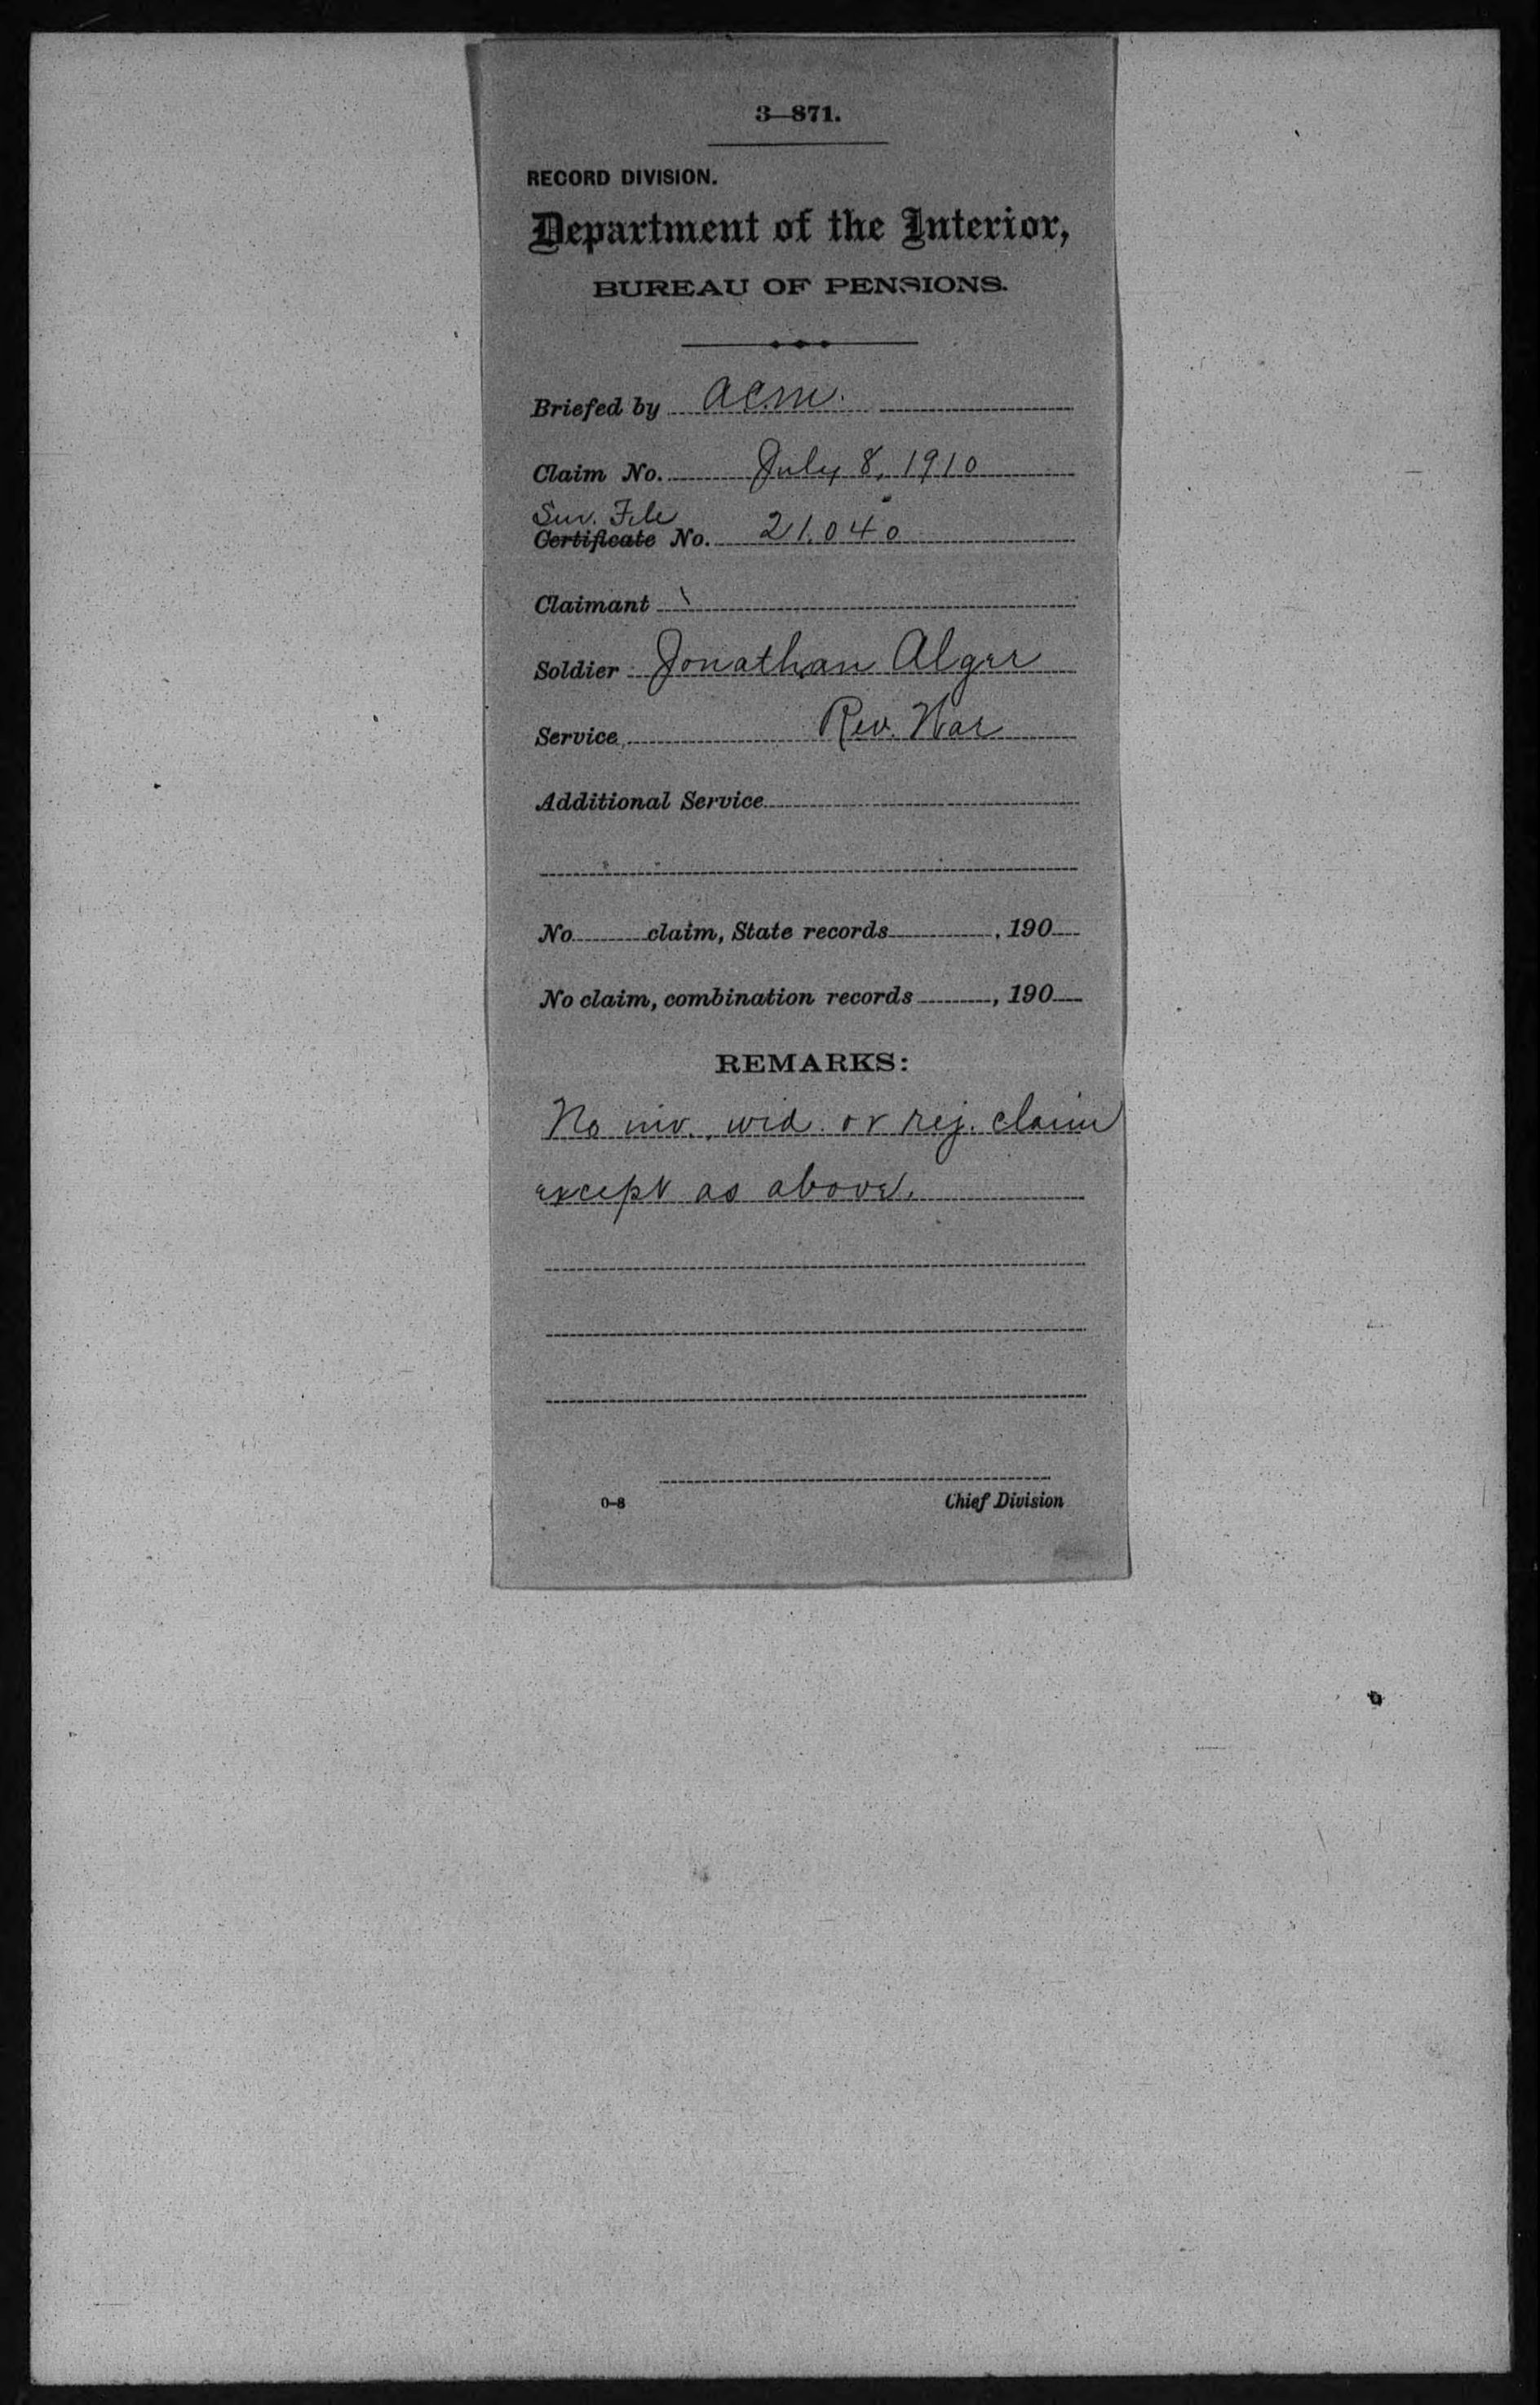3-871.
Record Division.
Department of the Interior,
Bureau of Pensions.
Briefed by A C M
Claim No. July 8, 1910
Sur. File [crossed out "Certificate"] 21.040
Claimant [blank]
Soldier Jonathan Alger 
Service Rev. War
Additional Service [blank]
No [blank] claim, State records [blank], 190[blank]
No claim, combination records [blank], 190[blank]
Remarks:
No inv. wid. or rej. claim except as above.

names: Jonathan Alger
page: 12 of 16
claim: survivor's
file: S. 21040, Jonathan Alger, Mass. R. I.